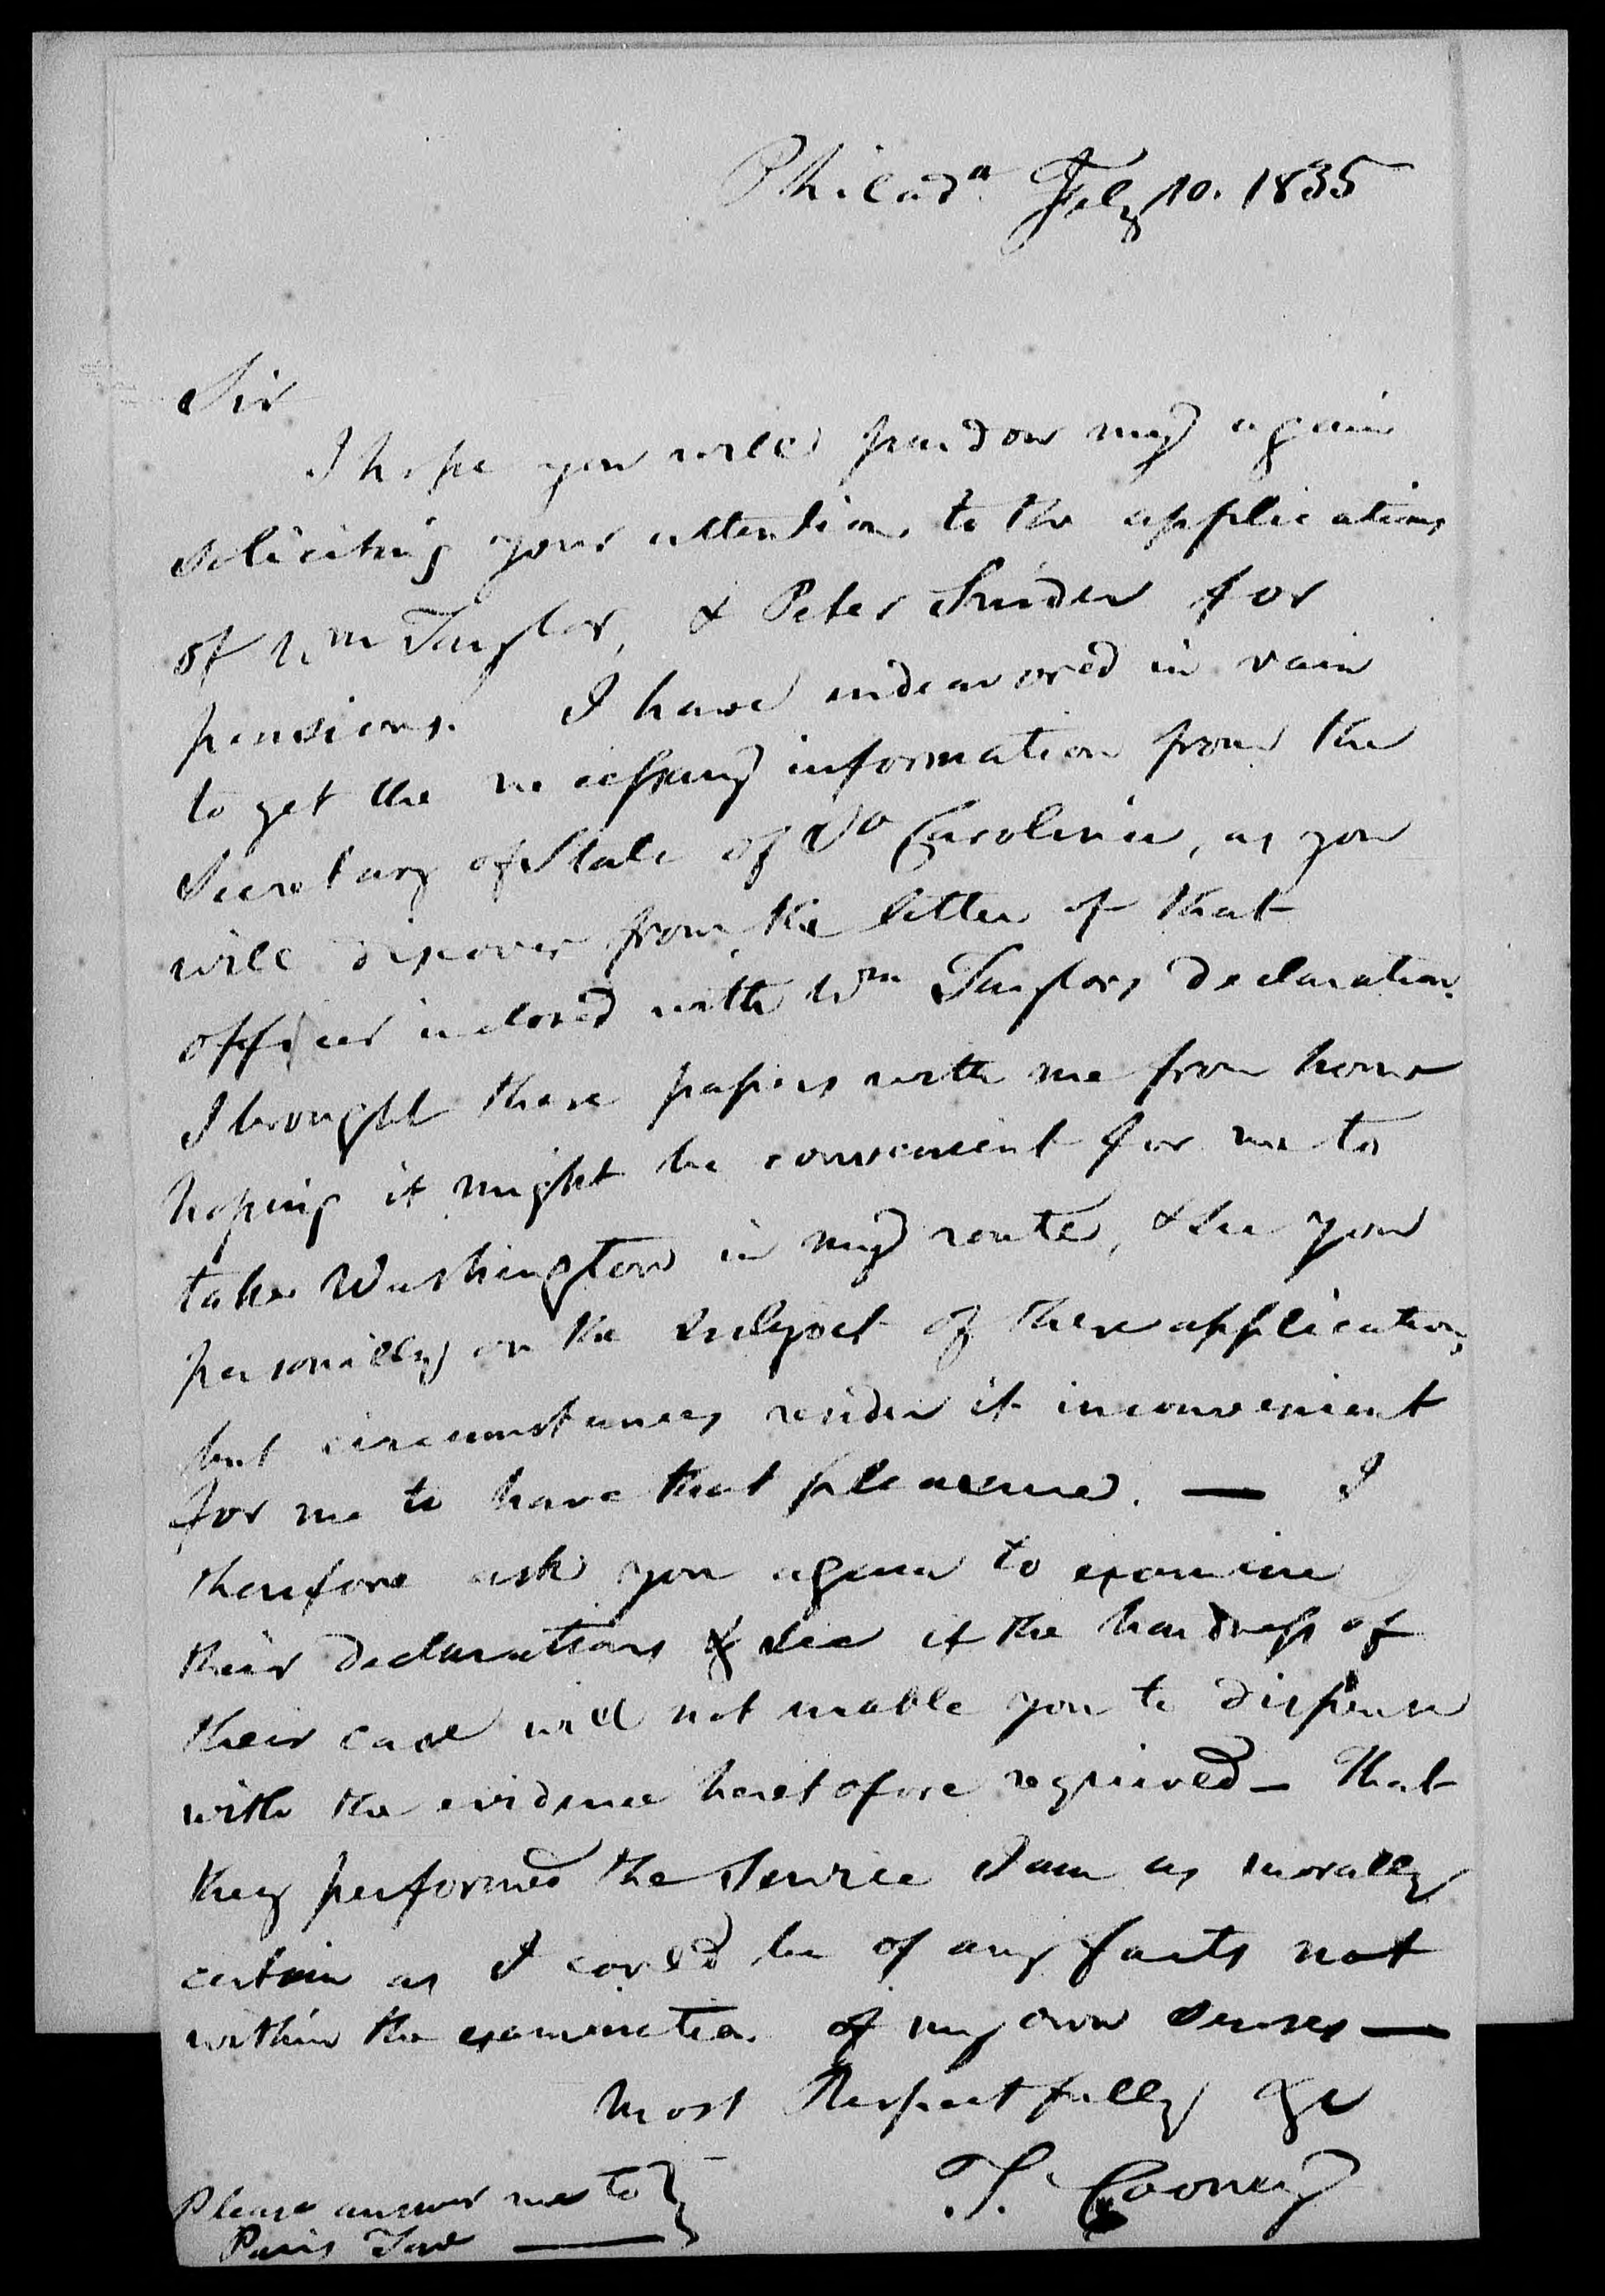Philada. Feby. 10 1835
Sir
I hope you will pardon my again soliciting your attention to the applications of Wm. Taylor & Peter Snider for pensions. I have endeavored in vain to get the necessary information from the Secretary of State of So. Carolina, as you will discover from the letter of that officer enclosed with Wm. Taylors declaration. I brought these papers with me from home hoping it might be convenient for me to take Washington in my route & see you personally on the subject of these applications, but circumstances render it inconvenient for me to have the pleasure. I therefore ask you again to examine their declarations & see if the hardness of their case will not enable you to dispense with the evidence heretofore received. That they performed the service I am as morally certain as I could be of any facts not within the examination of my own serves.
Most Respectfully  gc
T. Cooney
Please answer me to Paris Tenn.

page: 33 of 33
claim: rejected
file: R 10439, for William Taylor, North Carolina